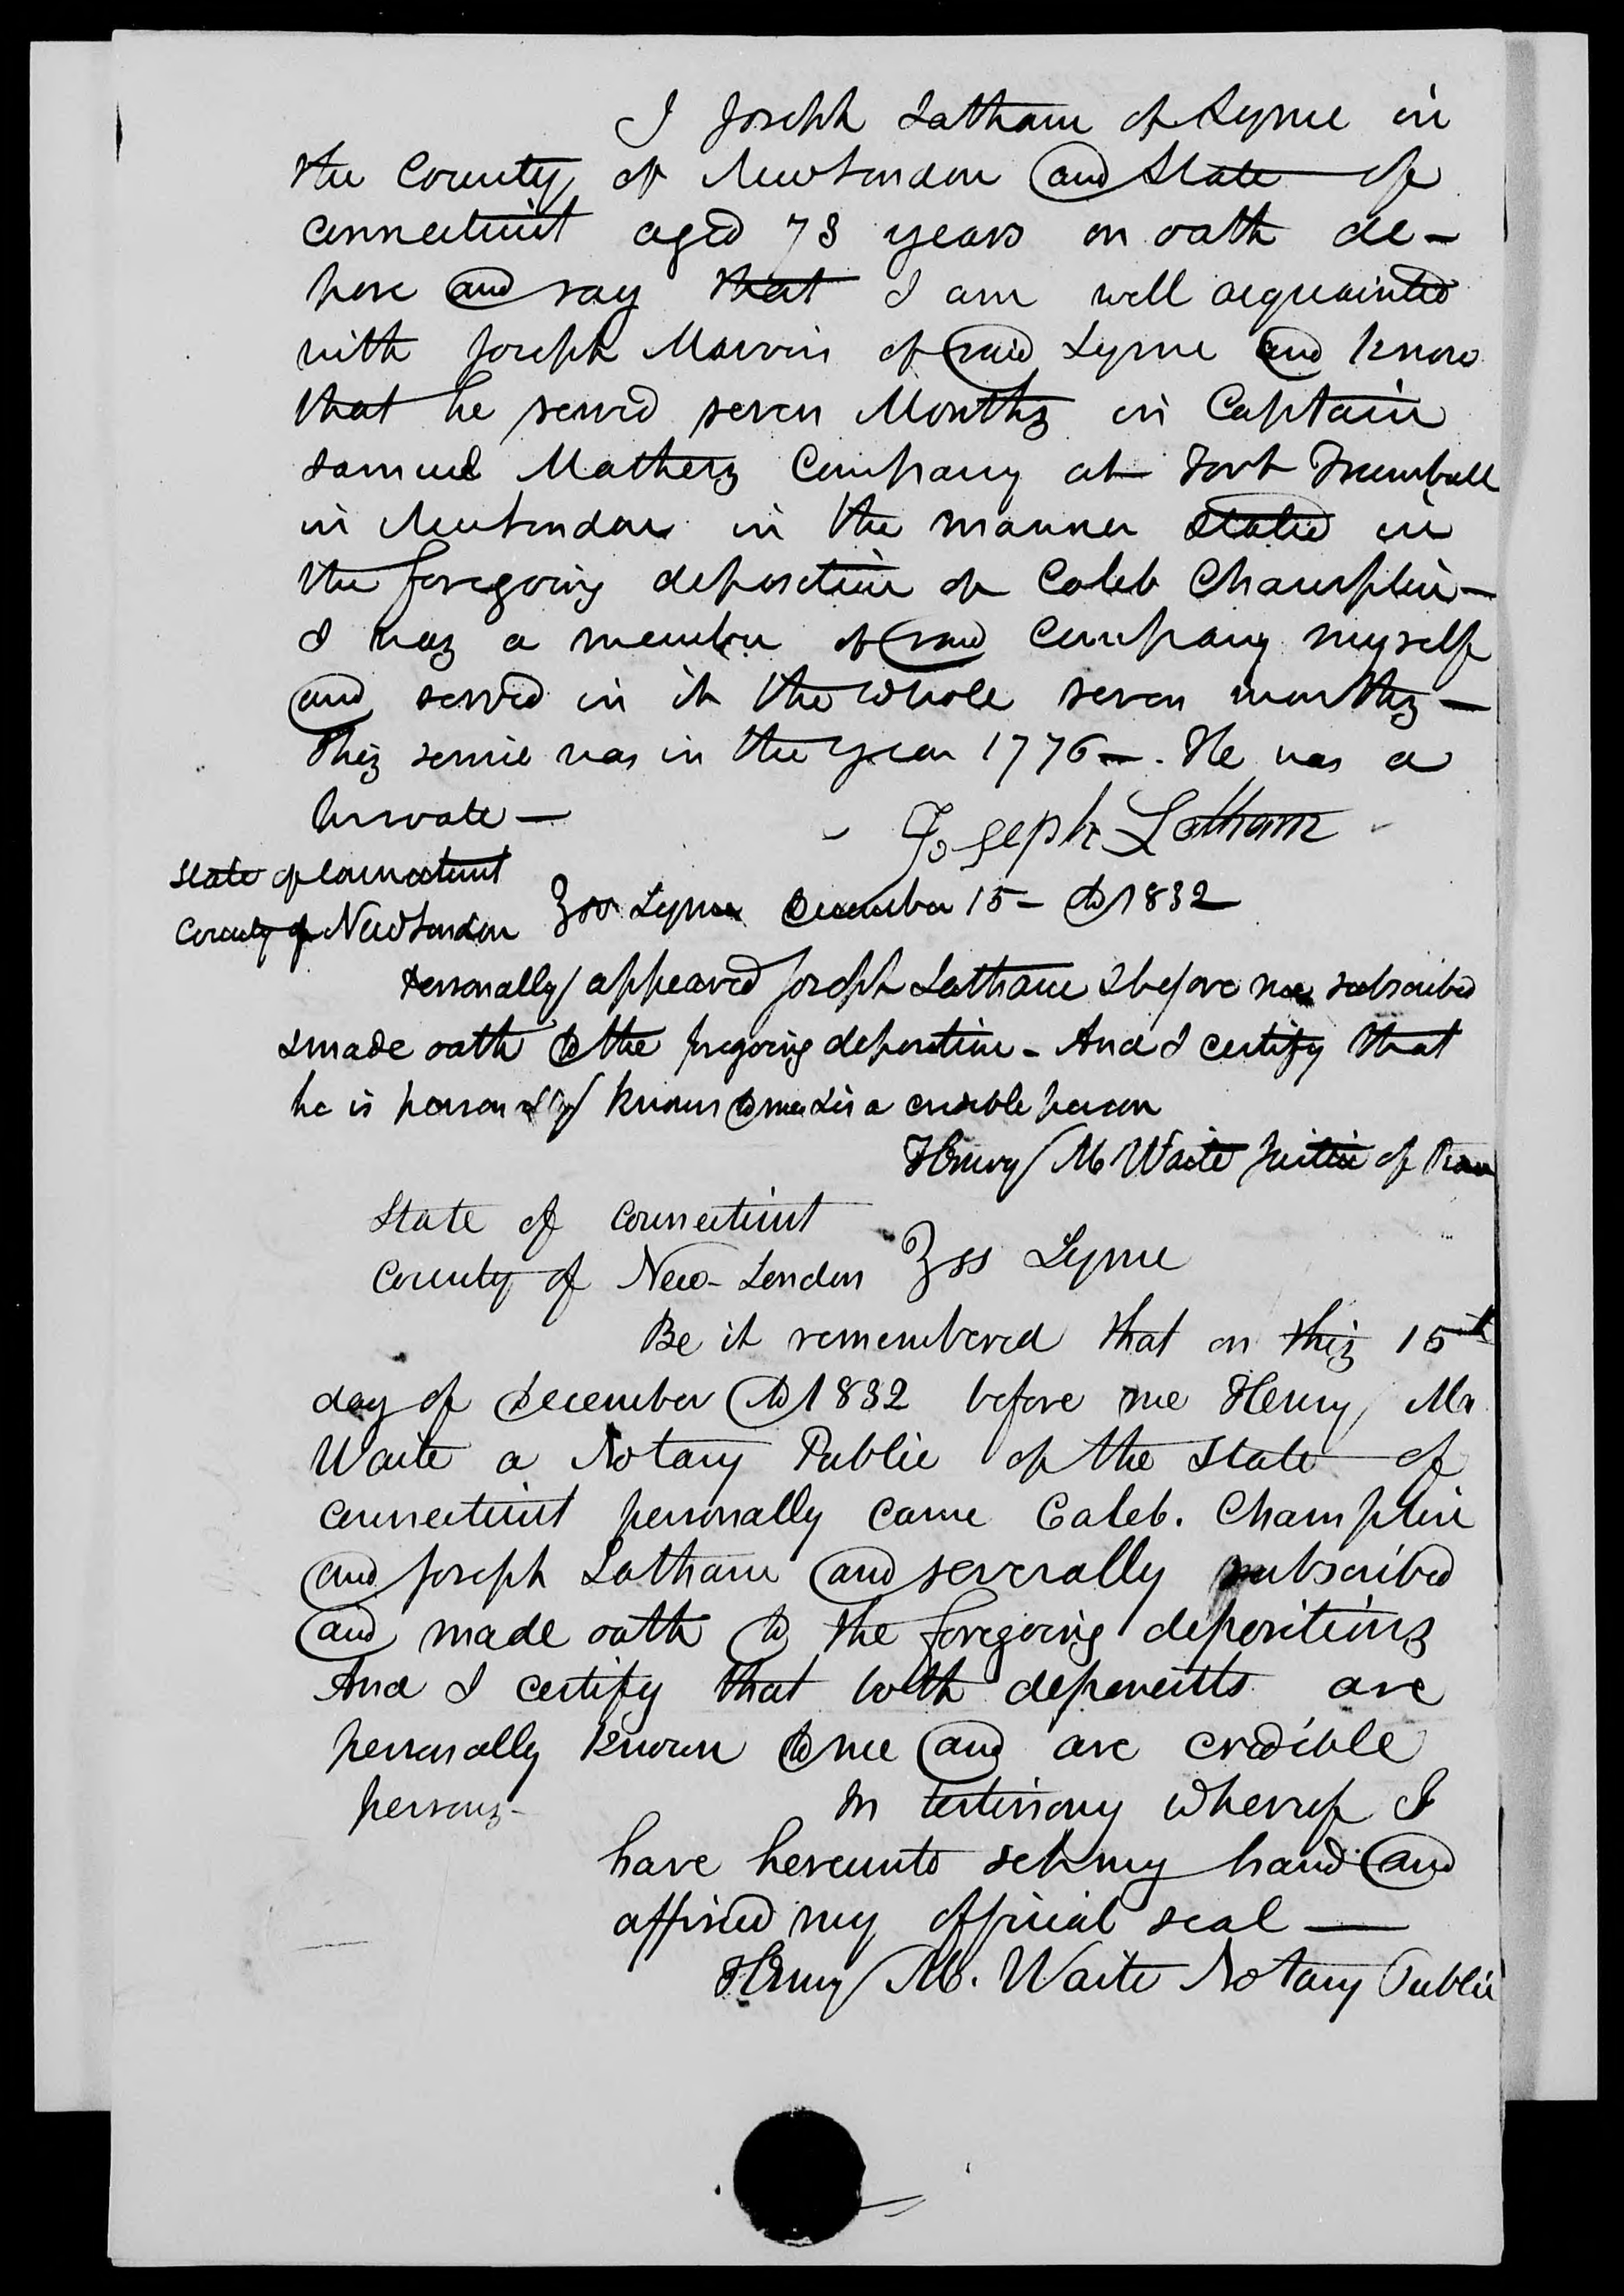I Joseph Latham of Lyme in the County of New London and State of Connecticut aged 73 years on oath declare and say that I am well acquainted with Joseph Marvin of said Lyme and know that he served seven months in Captain Samuel Mathers Company at Fort Trumbull in New London in the manner stated at the foregoing deposition of Caleb Champlin.   I was a member of said company myself and served in it the whole seven months.  This service was in the year 1776. He was a private.
Joseph Latham
State of Connecticut 
County of New London ss  Lyme December 15 1832 
Personally appeared Joseph Latham & before me subscribed made oath to the foregoing deposition. And I certify that he is personally known to me is a credible person. 
Henry M White Justice of the Peace 
State of Connecticut County of New London ss Lyme Be it remembered that on this 15th day of December AD 1832 before me Henry M Waite a Notary Public of the state of Connecticut personally came Caleb Champlin and Joseph Latham and severally subscribed and made oath to the foregoing depositions. And I certify that both deponents are personally known to me and are credible persons.  In testimony whereof I have hereunto set my hand and affixed my official seal - Henry M. Waite Notary Public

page: 10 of 20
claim: survivor's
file: S. 15,516, for Joseph Marvin, Connecticut